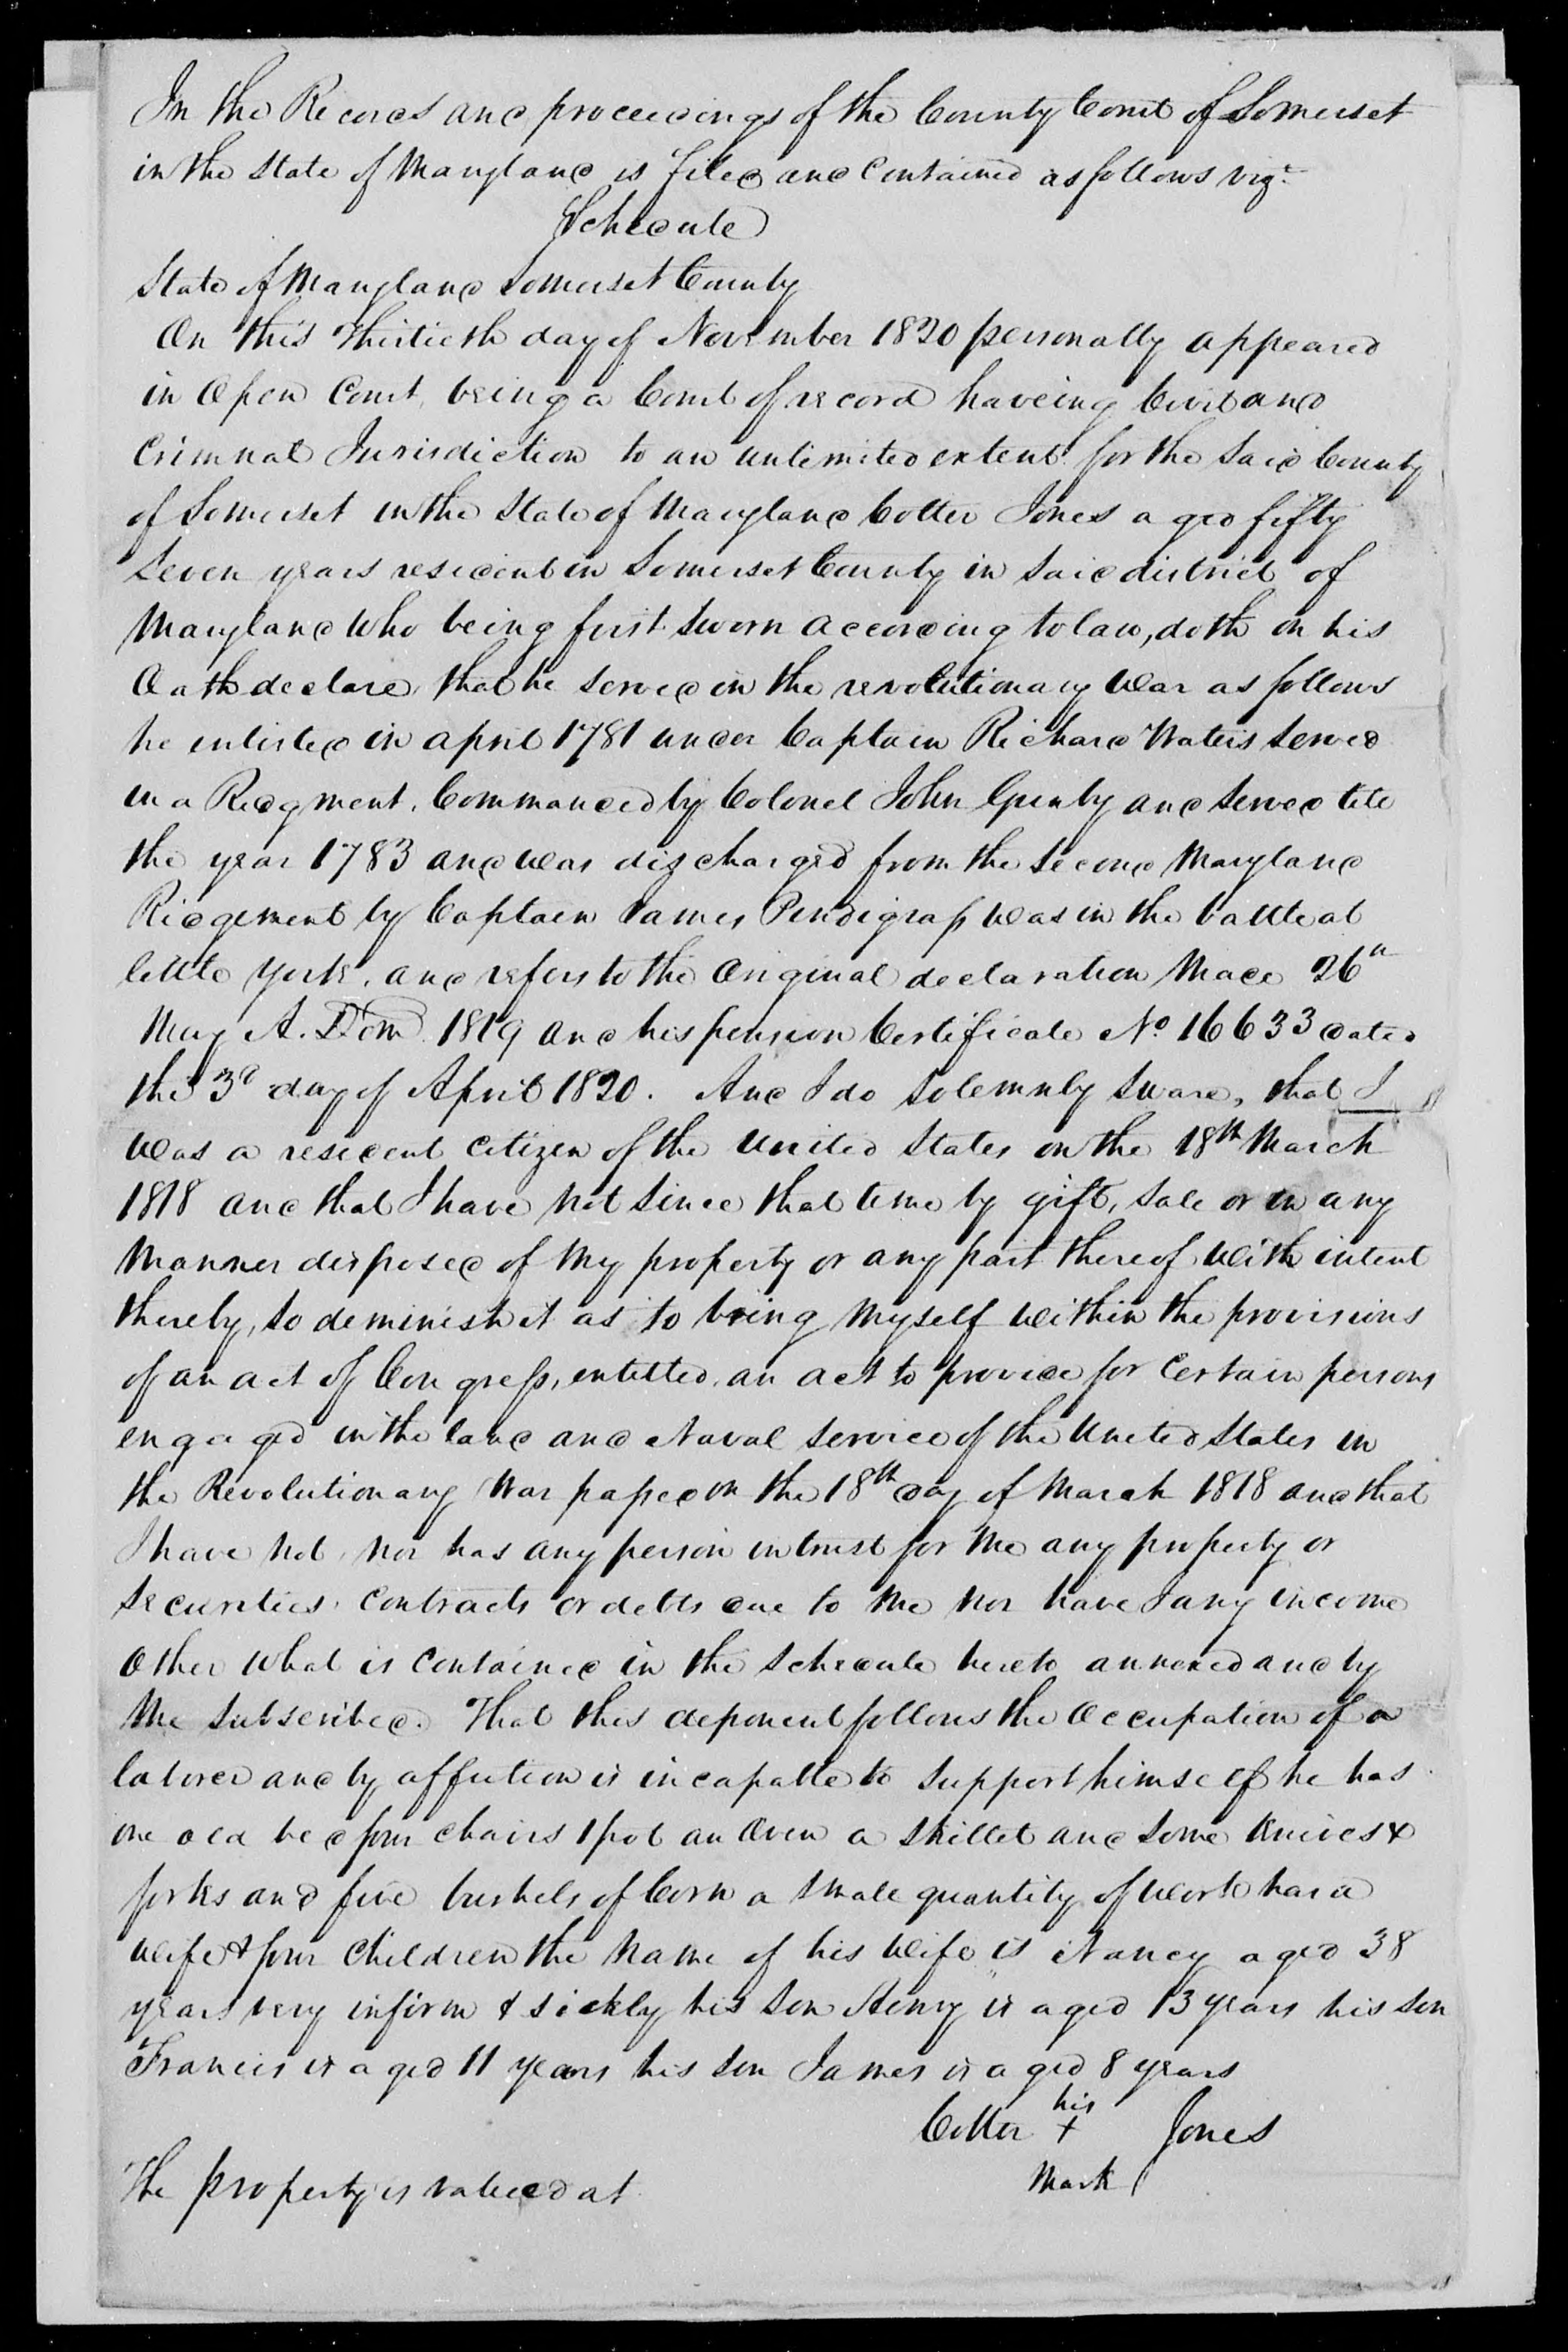In the record and proceedings of the county court of Somerset in the state of Maryland is filed and contained as follows viz:

Schedule

State of Maryland Somerset County

On this thirtieth day of November 1820 personally appeared in open court being a court of record having civil and criminal jurisdiction to an unlimited extent for the said county of Somerset in the state of Maryland Cotter Jones aged fifty-seven years resident in Somerset County in said district of Maryland who being first sworn according to law doth on his oath declare that he served in the revolutionary war as follows: He enlisted in April 1781 under Captain Richard waters served in a regiment commanded by Colonel John Gunby and served till the year 1783 and was discharged from the Second Maryland Regiment by Captain James Pendegrass was in the battle of Little York and refers to the original declaration made 26th May AD 1819 and his pension certificate No 16633 dated the 3rd day of April 1820. And I do solemnly swear that I was a resident citizen of the United States on the 18th March 1818 and that I have not since that time by gift sale or in any manner disposed of my property or any part thereof with intent thereby to diminish it as to bring myself within the provisions of an act of congress entitled an act to provide for certain persons engaged in the land and naval service of the United States in the revolutionary war passed on the 18th day of March 1818 and that I have not nor has any person in trust for me any property or securities, contracts or debts due to me nor have I any income other what is contained in the schedule hereto annexed and by me subscribed. That this deponent follows the occupation of a laborer and by affliction is incapable to support himself he has one old [illegible] four chairs, 1 pot and oven, a skillet and some knives & forks and five bushels of corn, a small quantity of [illegible] has a wife & four children the name of his wife is Nancy aged 38 years very infirm & sickly his son Henry is aged 13 years, his son Francis is aged 11 years, his son James in aged 8 years.

Cotter Jones
His X Mark

The property is valued at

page: 6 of 15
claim: survivor's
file: S. 34946, for Cotter Jones, Maryland